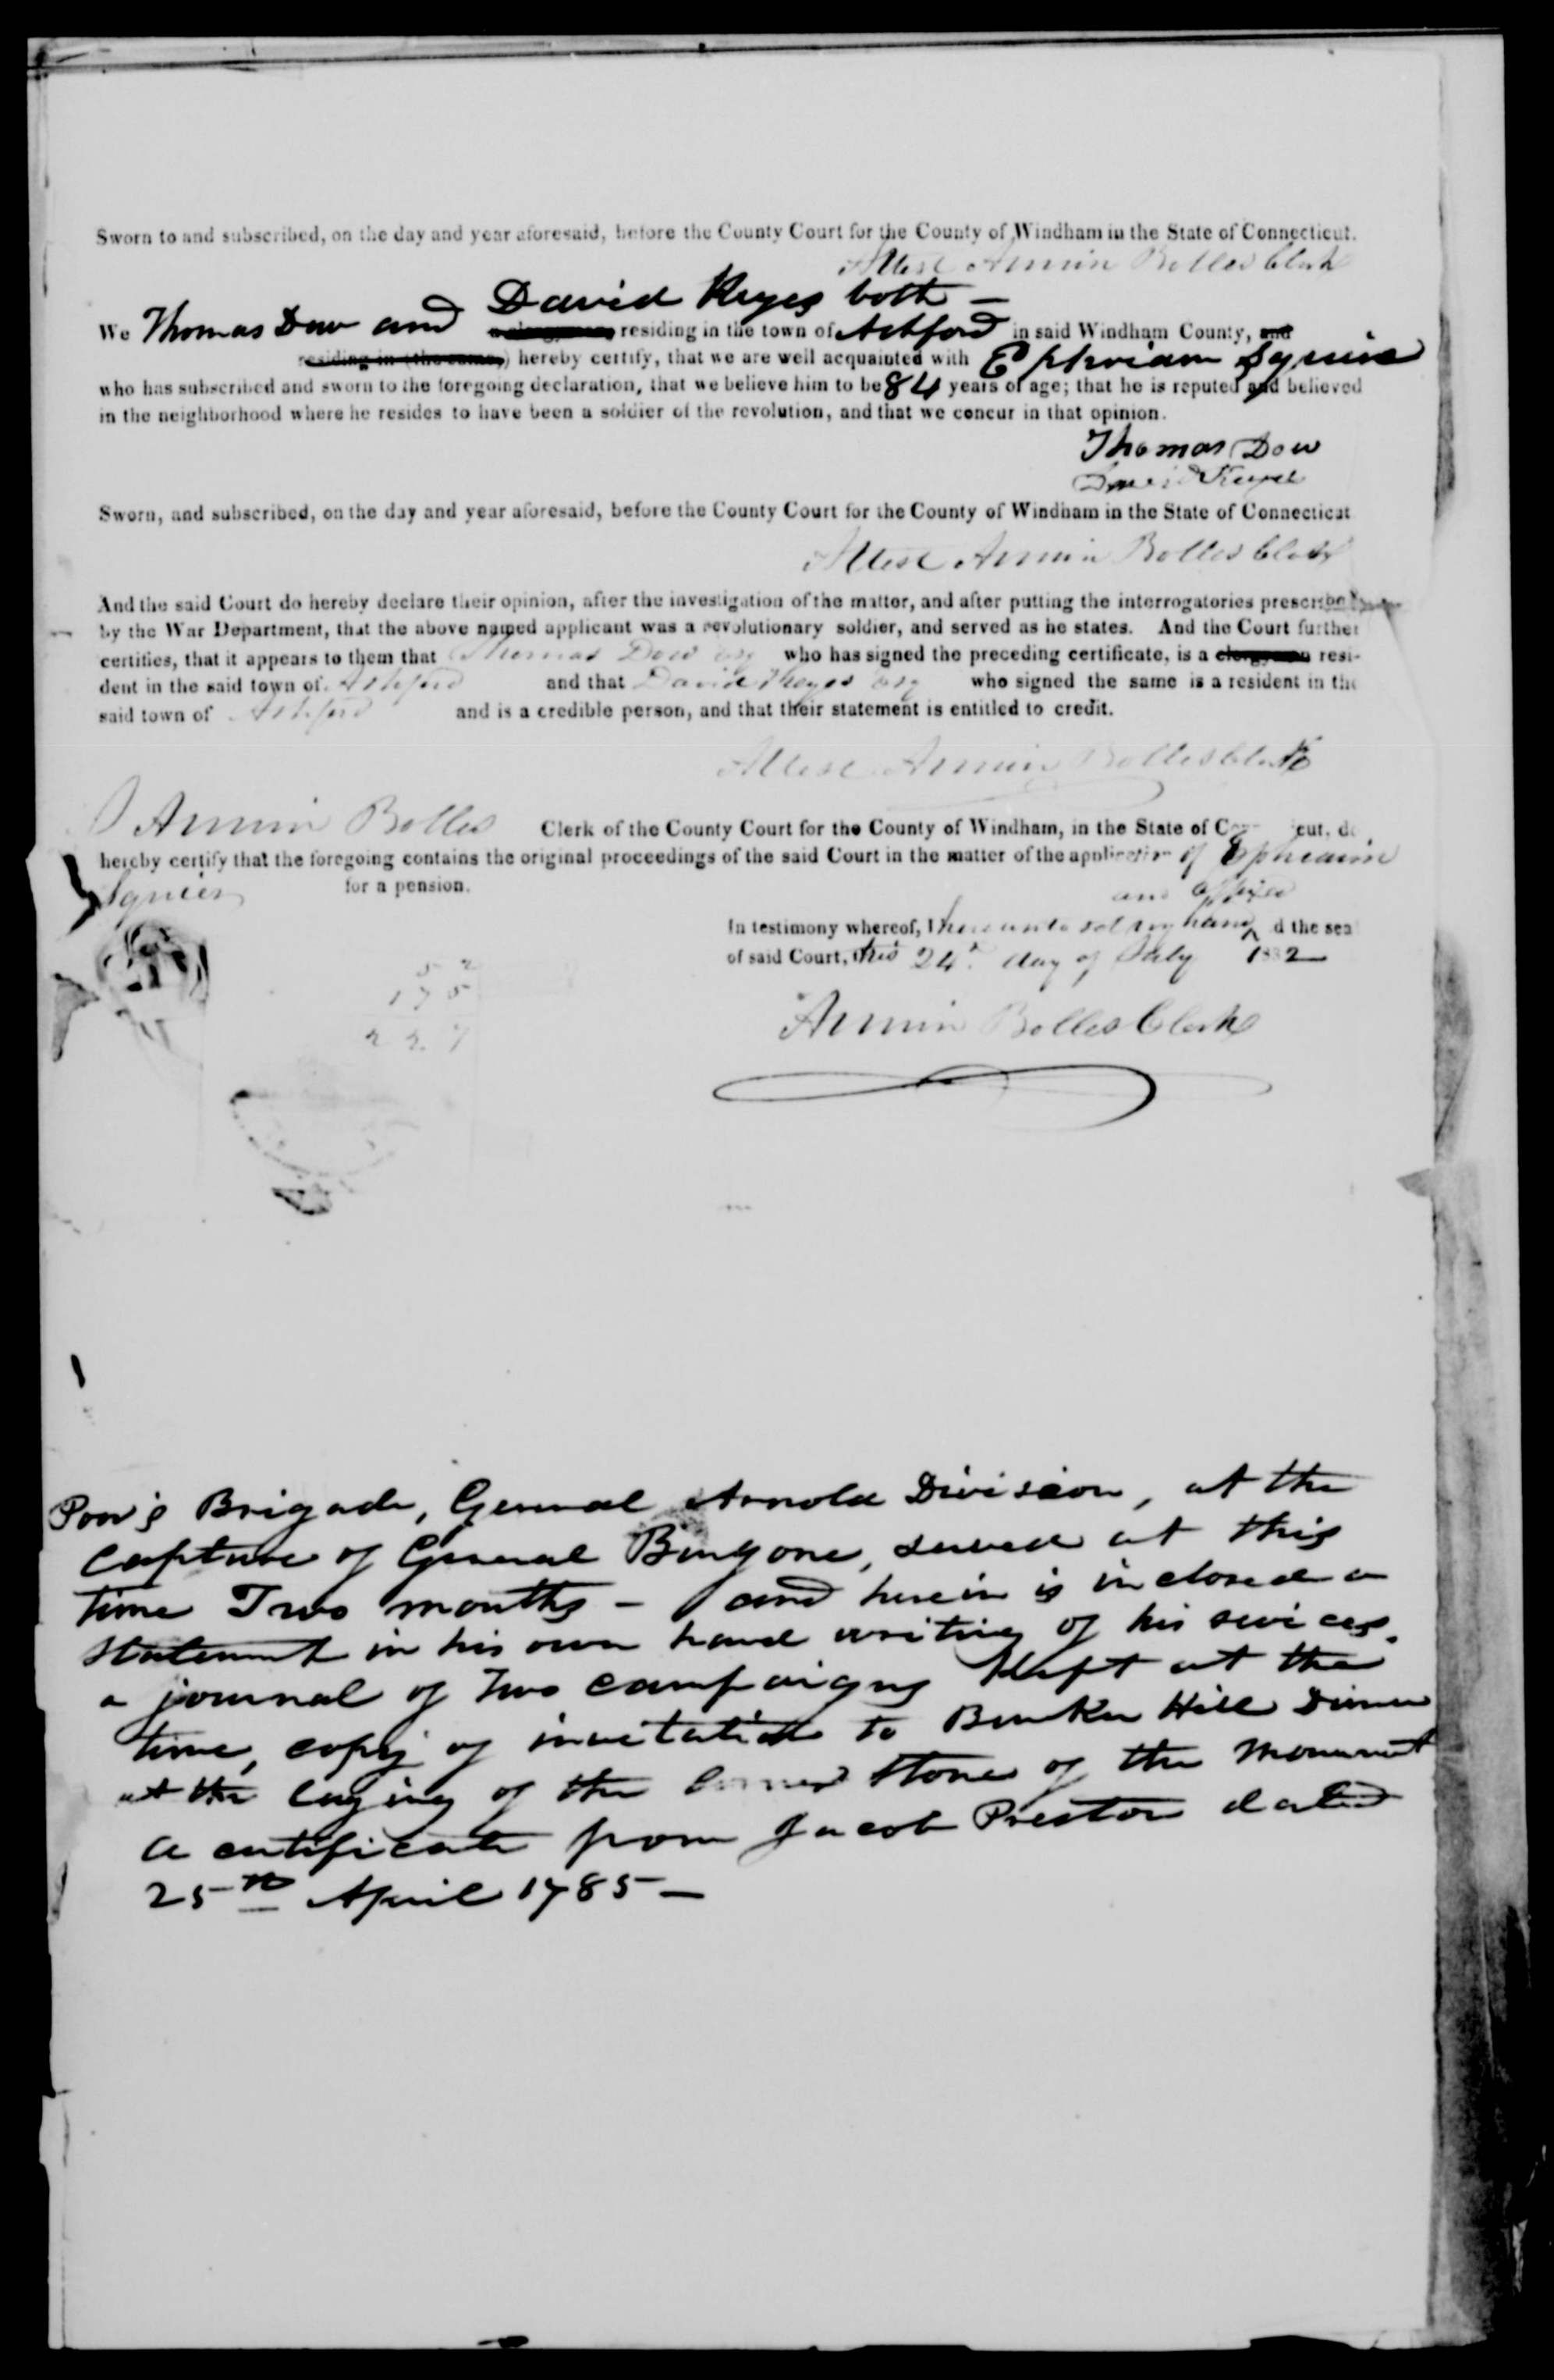Sworn to and subscribed, on the day and year aforesaid, before the County Court for the County of Windham in the State of Connecticut. 
[illegible] Annin Bolles Clerk
We Thomas Dow and David Keyes both residing in the town of Ashford in said Windham County hereby certify, that we are well acquainted with Ephriam Squier who has subscribed and sworn to the foregoing declaration, that we believe him to be 84 years of age; that he is reputed and believed in the neighborhood where he resides to have been a soldier of the revolution, and that we concur in that opinion.
Thomas Dow
David Keyes

Sworn, and subscribed, on the day and year aforesaid, before the County Court for the County of Windham in the State of Connecticut
[Illegible] Annin Bolles Clerk

And the said Court do hereby declare their opinion, after the investigation of the matter ad after putting the interrogatories prescribed by the War Department, that the above named applicant was a revolutionary soldier, and served as he states. And the Court further certifies, that it appears to them that Thomas Dow Esq. who has signed the preceding certificate, is a resident in the said town of Ashford and that David Keyes Esq. who signed the same is a resident in the said town of Ashford and is a credible person, and that their statement is entitled to credit.  
Allise Annin Bolles Clerk

I Annin Bolles Clerk of the COunty Court for the County of Windham, in the state of Connecticut, do hereby certify that the foregoing contains the original proceedings of the said Court in the matter of the application of Ephriam Squier for a pension.

In testimony whereof, I here unto [illegible] hand and affixed the seal of said Court, this 24th day of July 1832

Annin Bolles Clerk

52
175
227

Pow's Brigade, General Arnold Division, at the capture of General Bingone, served at this time Two months- and herein is in [illegible] a [Illegible] in his [illegible] have writing of his services. A journal of two campaigns kept at the time, copy of [illegible] to Bunker Hill service at the copying of the [illegible] stone of the monument a certificate from Jacob Preston dated 25th April 1785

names: Thomas Dow; Thomas Dow; David Keyes; Ephriam Squire; Annin Bolles; David Keyes; Thomas Dow; Annin Bolles; Jacob Preston; Annin Bolles; [BLANK] Burgone; David Keyes; Annin Bolles; Annin Bolles; Ephraim Squier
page: 11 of 70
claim: rejected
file: R. 10,026, for Ephraim Squier, Connecticut